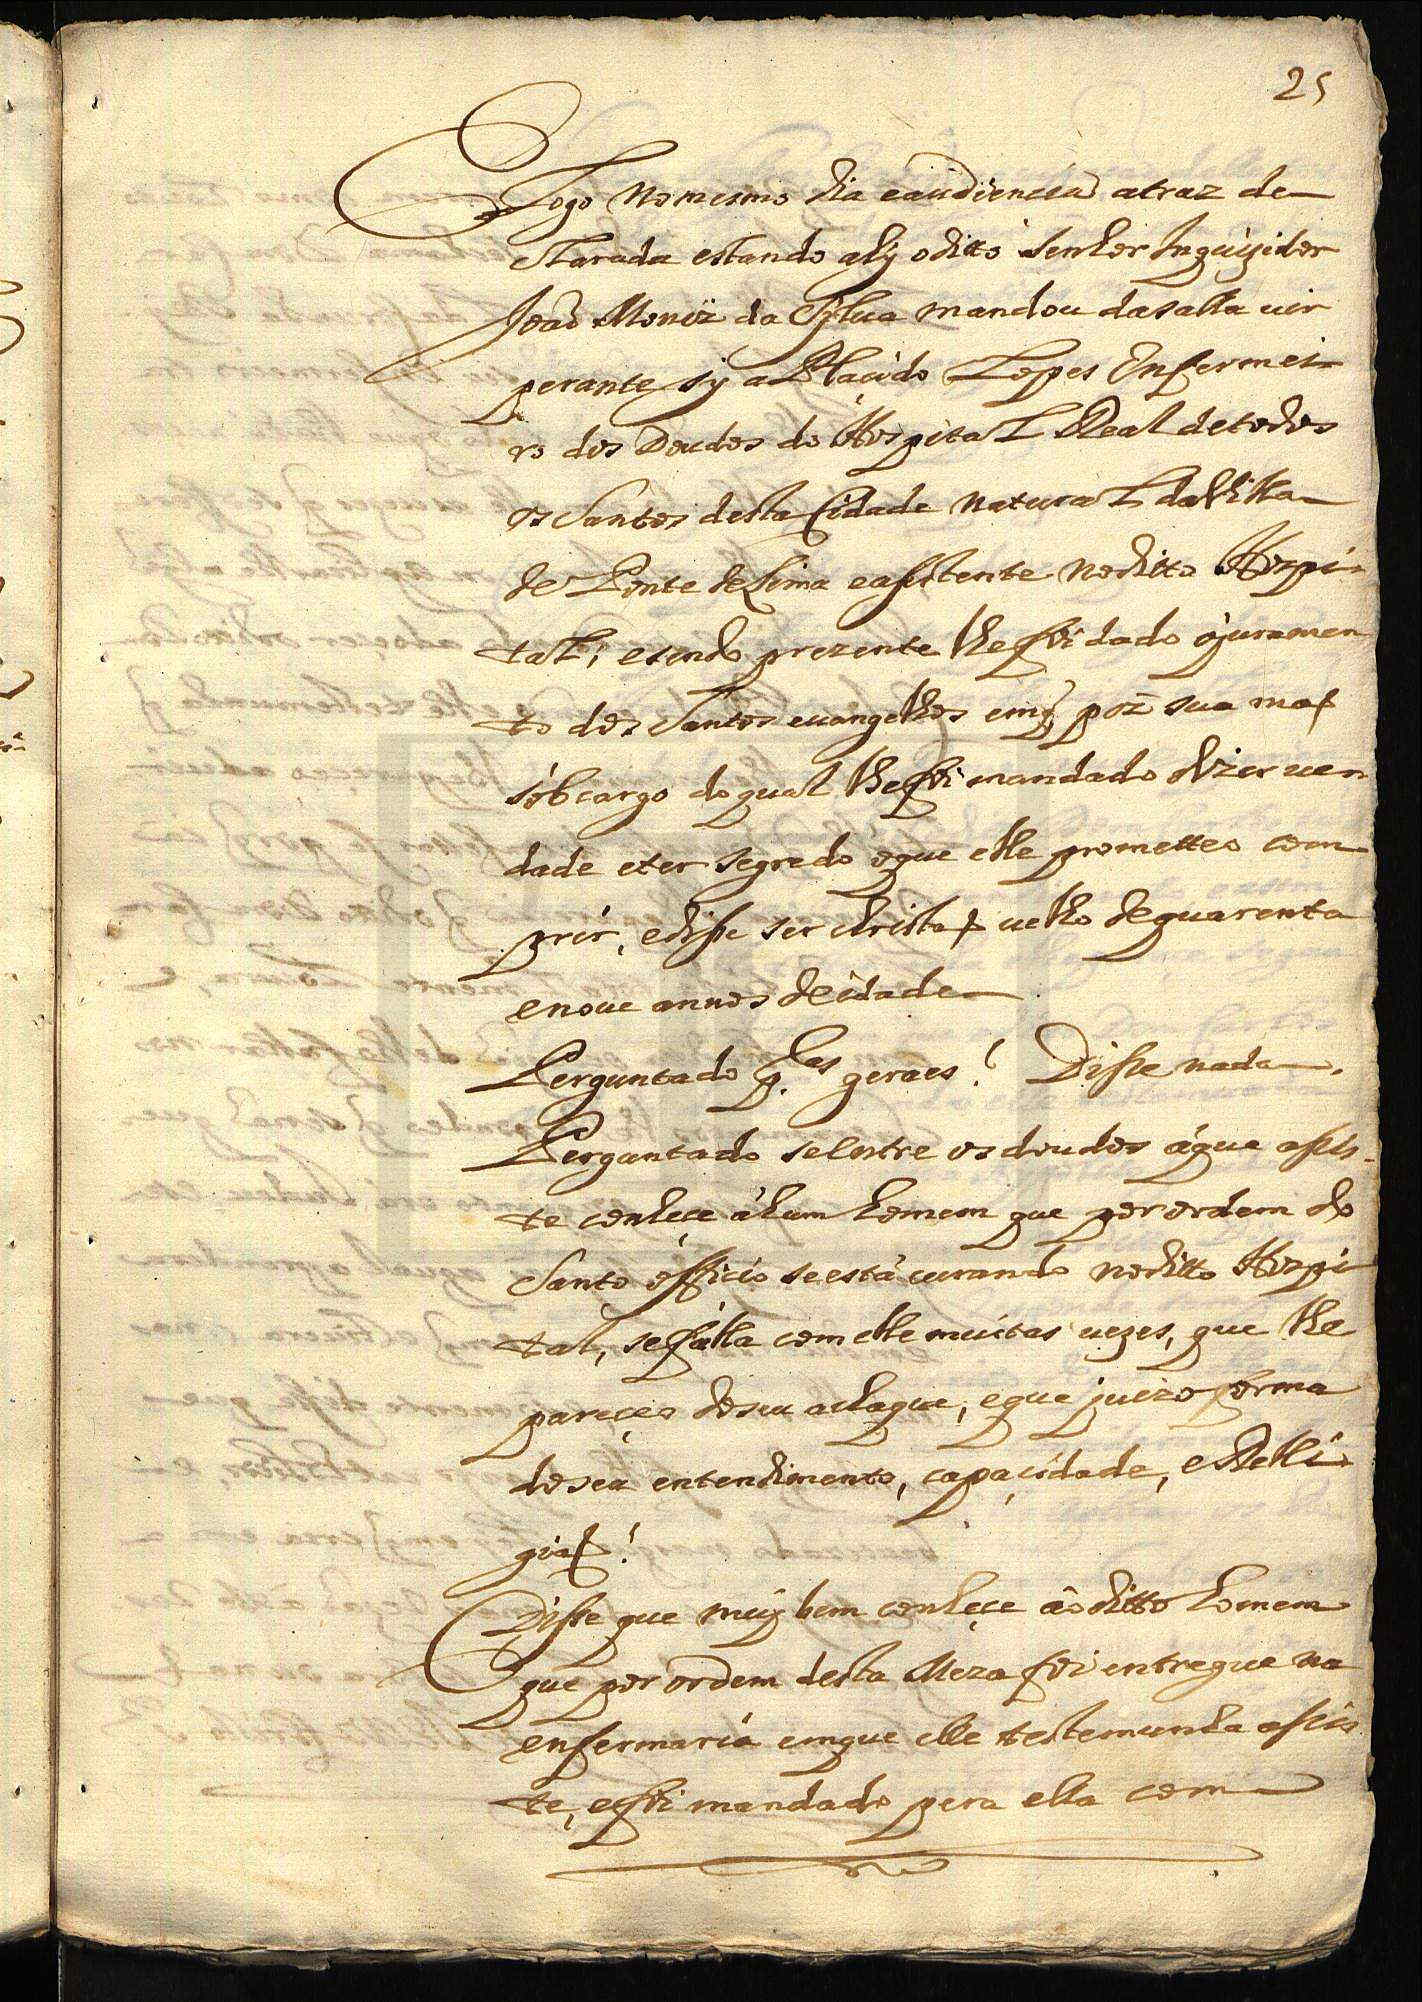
E Logo no mesmo dia e audiencia atraz de
clarada estando ahy o ditto Senhor Inquisidor
Joaõ Moniz da Sylua mandou da salla uir
perante sy a Placido Lopes Enfermei
ro dos Doudos do HospitaL Real de todos
os Santos desta Cidade naturaL da Villa
de Ponte de Lima e assitente no ditto Hospi
taL, e sendo prezente lhe foi dado o juramen
to dos Santos euangelhos em q̄ poz sua maõ
sob cargo do qual lhe foi mandado dizer uer
dade e ter segredo o que elle prometteo com
prir, e disse ser christaõ uelho de quarenta
e noue annos de idade
Perguntado p.las geraes? Disse nada
Perguntado se entre os doudos á que assis
te conhece á hum homem que por ordem do
Santo officio se está curando no ditto Hospi
tal, se falla com elle muitas uezes, que lhe
pareceo do seu achaque, e que juizo forma
do seu entendimento, capacidade, e Relli
giaõ?
Disse que muy bem conhece ao ditto homem
que por ordem desta Meza foi entregue na
enfermaria em que elle testemunha assis
te, e foi mandado pera ella com
